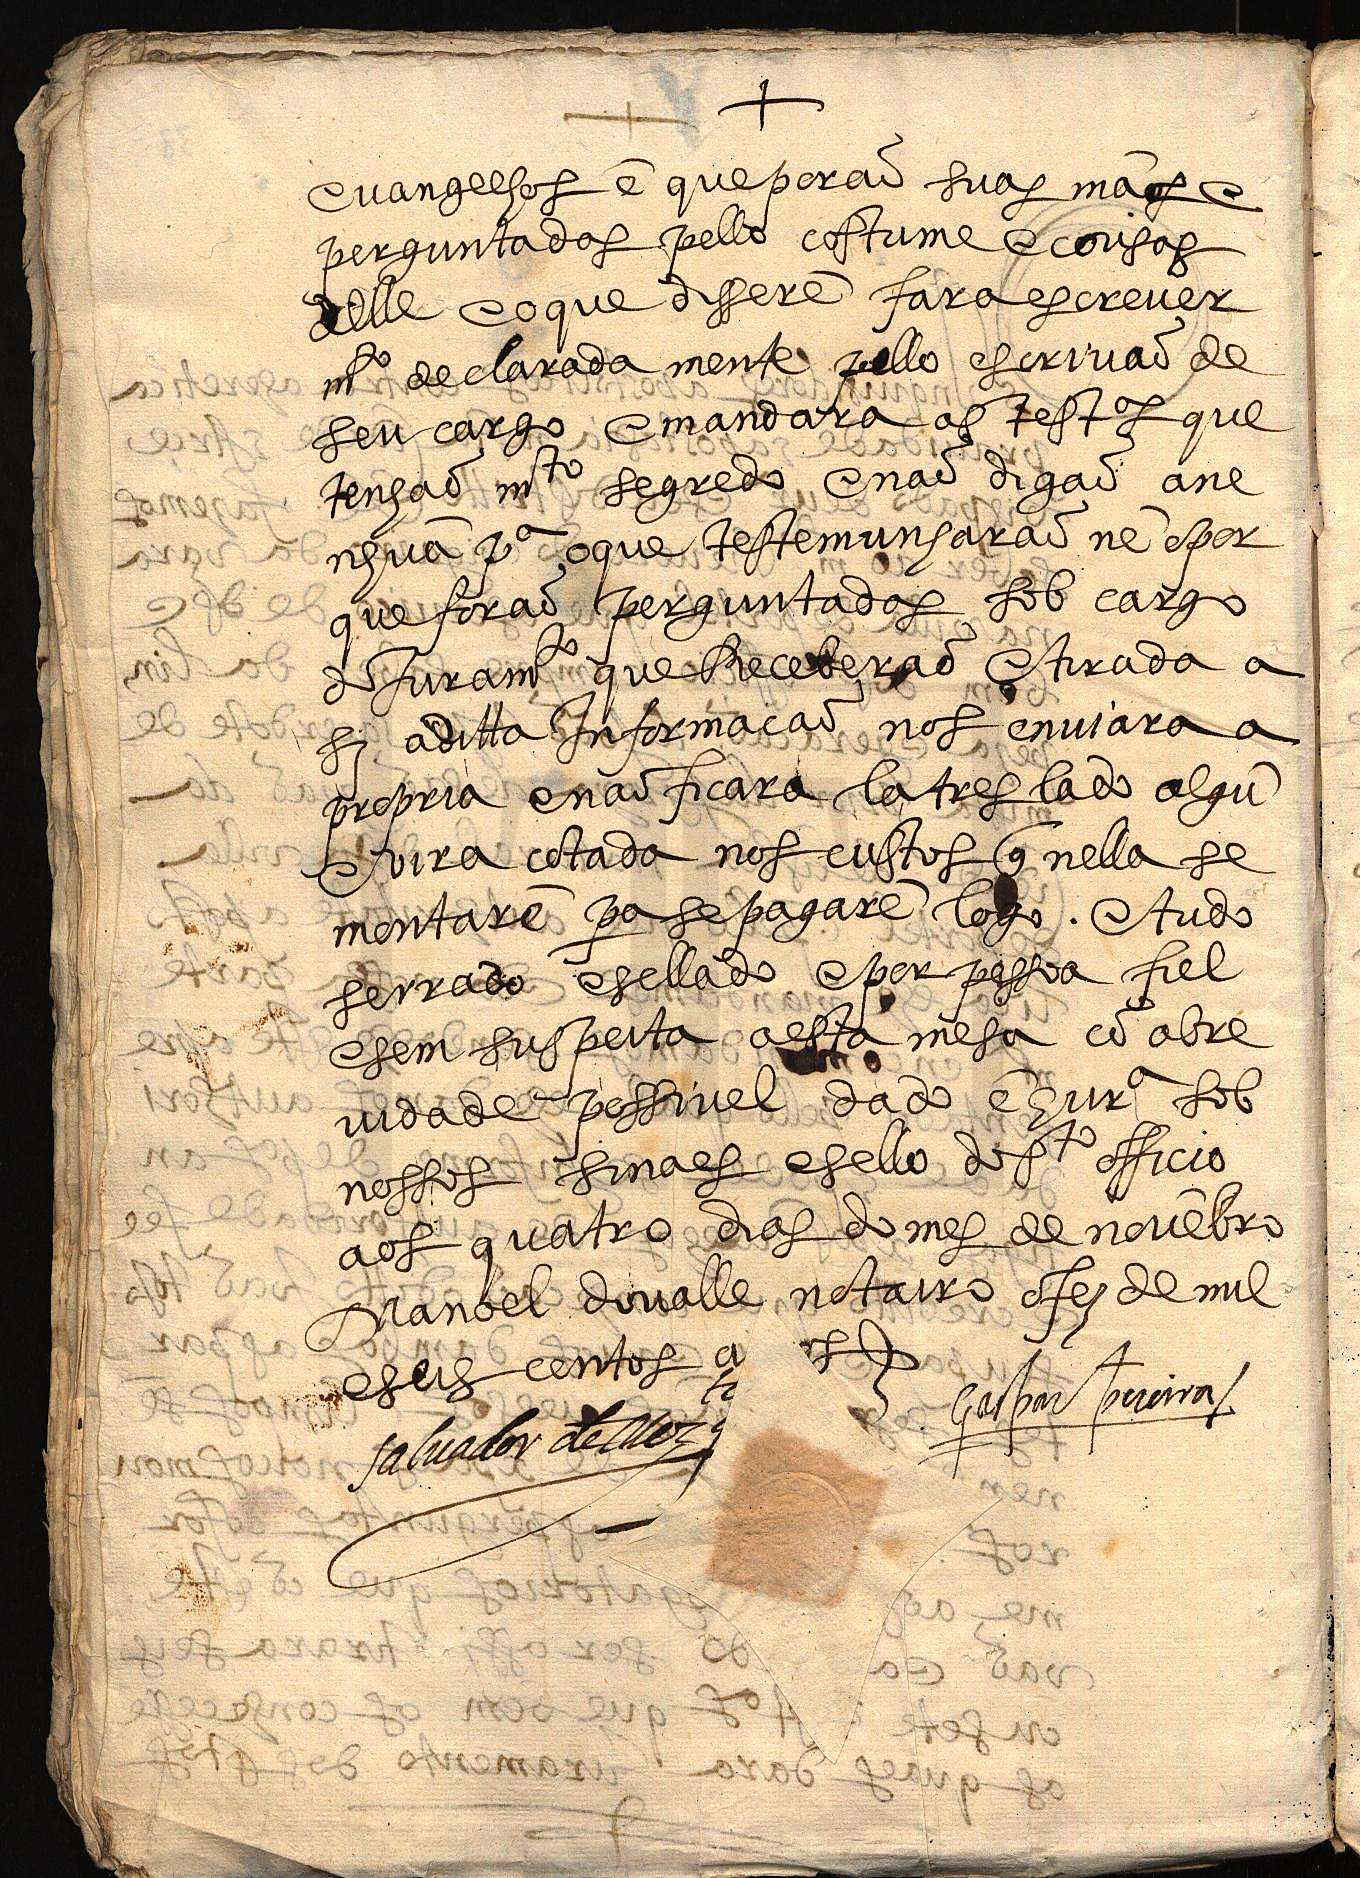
euangelhos ē que poraõ suas mãos e
perguntadas pello costume e cousas
delle e o que disserē fara escreuer
mto declaradamente pello escriuaõ de
seu cargo e mandara as testas que
tenhaõ mto segredo e naõ digaõ a ne
nhuā pa o que testemunharaõ nē o por
que foraõ perguntadas sob cargo
do Juramto que Receberaõ e tirada a
sj a ditta Jnformacaõ nos enuiara a
propria e naõ ficara la treslado algū
e vira cōtada nos custos q̄ nella se
montarē ꝑa se pagarē logo. e tudo
serrado e sellado e per pessoa fiel
e sem suspeita a esta mesa cō a bre
uidade possiuel dado ē Eura sob
nossos sinaes e sello do sto officio
aos quatro dias do mes de nouēbro
Manoel do ualle notairo o fez de mil
e seiscentos a os
